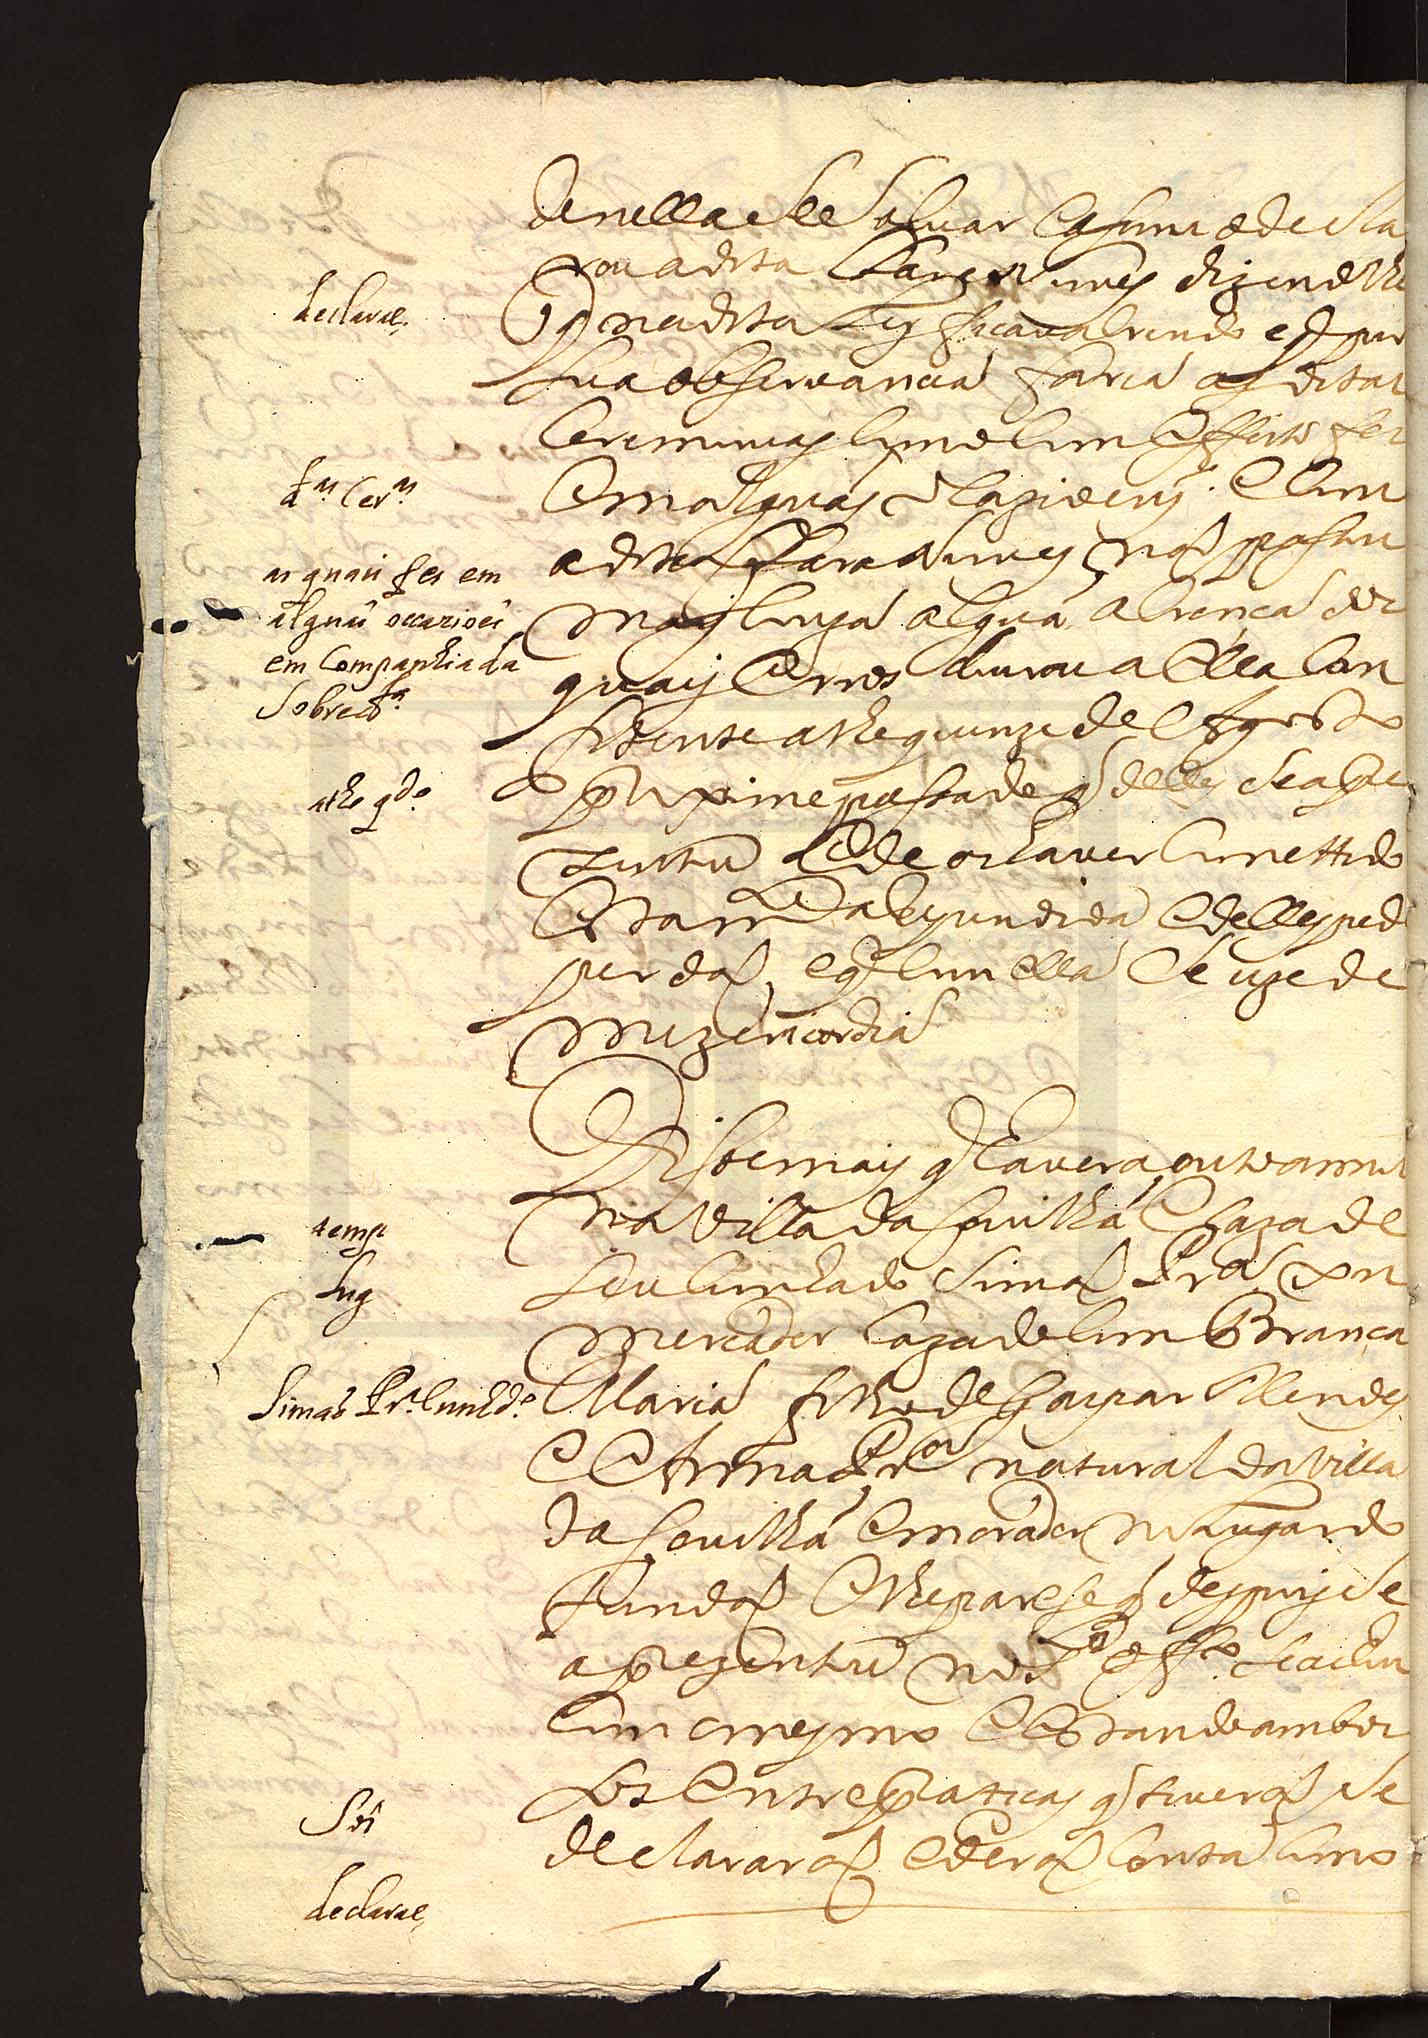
declaraç.
d̄.as Cer.as
as quasi fes em
alguās occaziões
em Companhia da
Sobred.a
athe q.do
temp
Lug
Simaõ Pr.a Cunhd.o
Sôs
declaraç
de nella Se Saluar E asim o decla
rou a dita Clara Nunes dizendlhe
q̄ na dita Ley ficava crendo e q̄ por
sua observancia faria as ditas
Ceremonias Como Com Effeito fez
Em alguas ocazioeñs. E Com
a dita Clara Nunes naõ passou
mais Couza alguā a Crença dos
quais Erros durou a Ella Con
fitente athe quinze de Agosto
proxime passado q̄ delles se apre
zentou E de os haver Comettido
Esta mto aRependida E delles ped
perdaõ, e q̄ Em ella Se uze de
mizericordia
Disse mais q̄ havera outo annos
na Villa da Covilhã E Caza de
Seu Cunhado Simaõ Pra. xn
mercador Cazado Com Branca
Maria filho de Gaspar Mendes
E Anna Pra natural da villa
da Couilhã E morador no Lugar do
Fundaõ E lhe parece q̄ despois Se
aprezentou no S.to off.co se achou
Com o mesmo E Estando ambos
Sos Entre praticas q̄ tiveraõ Se
declararaõ e deraõ Conta Como
